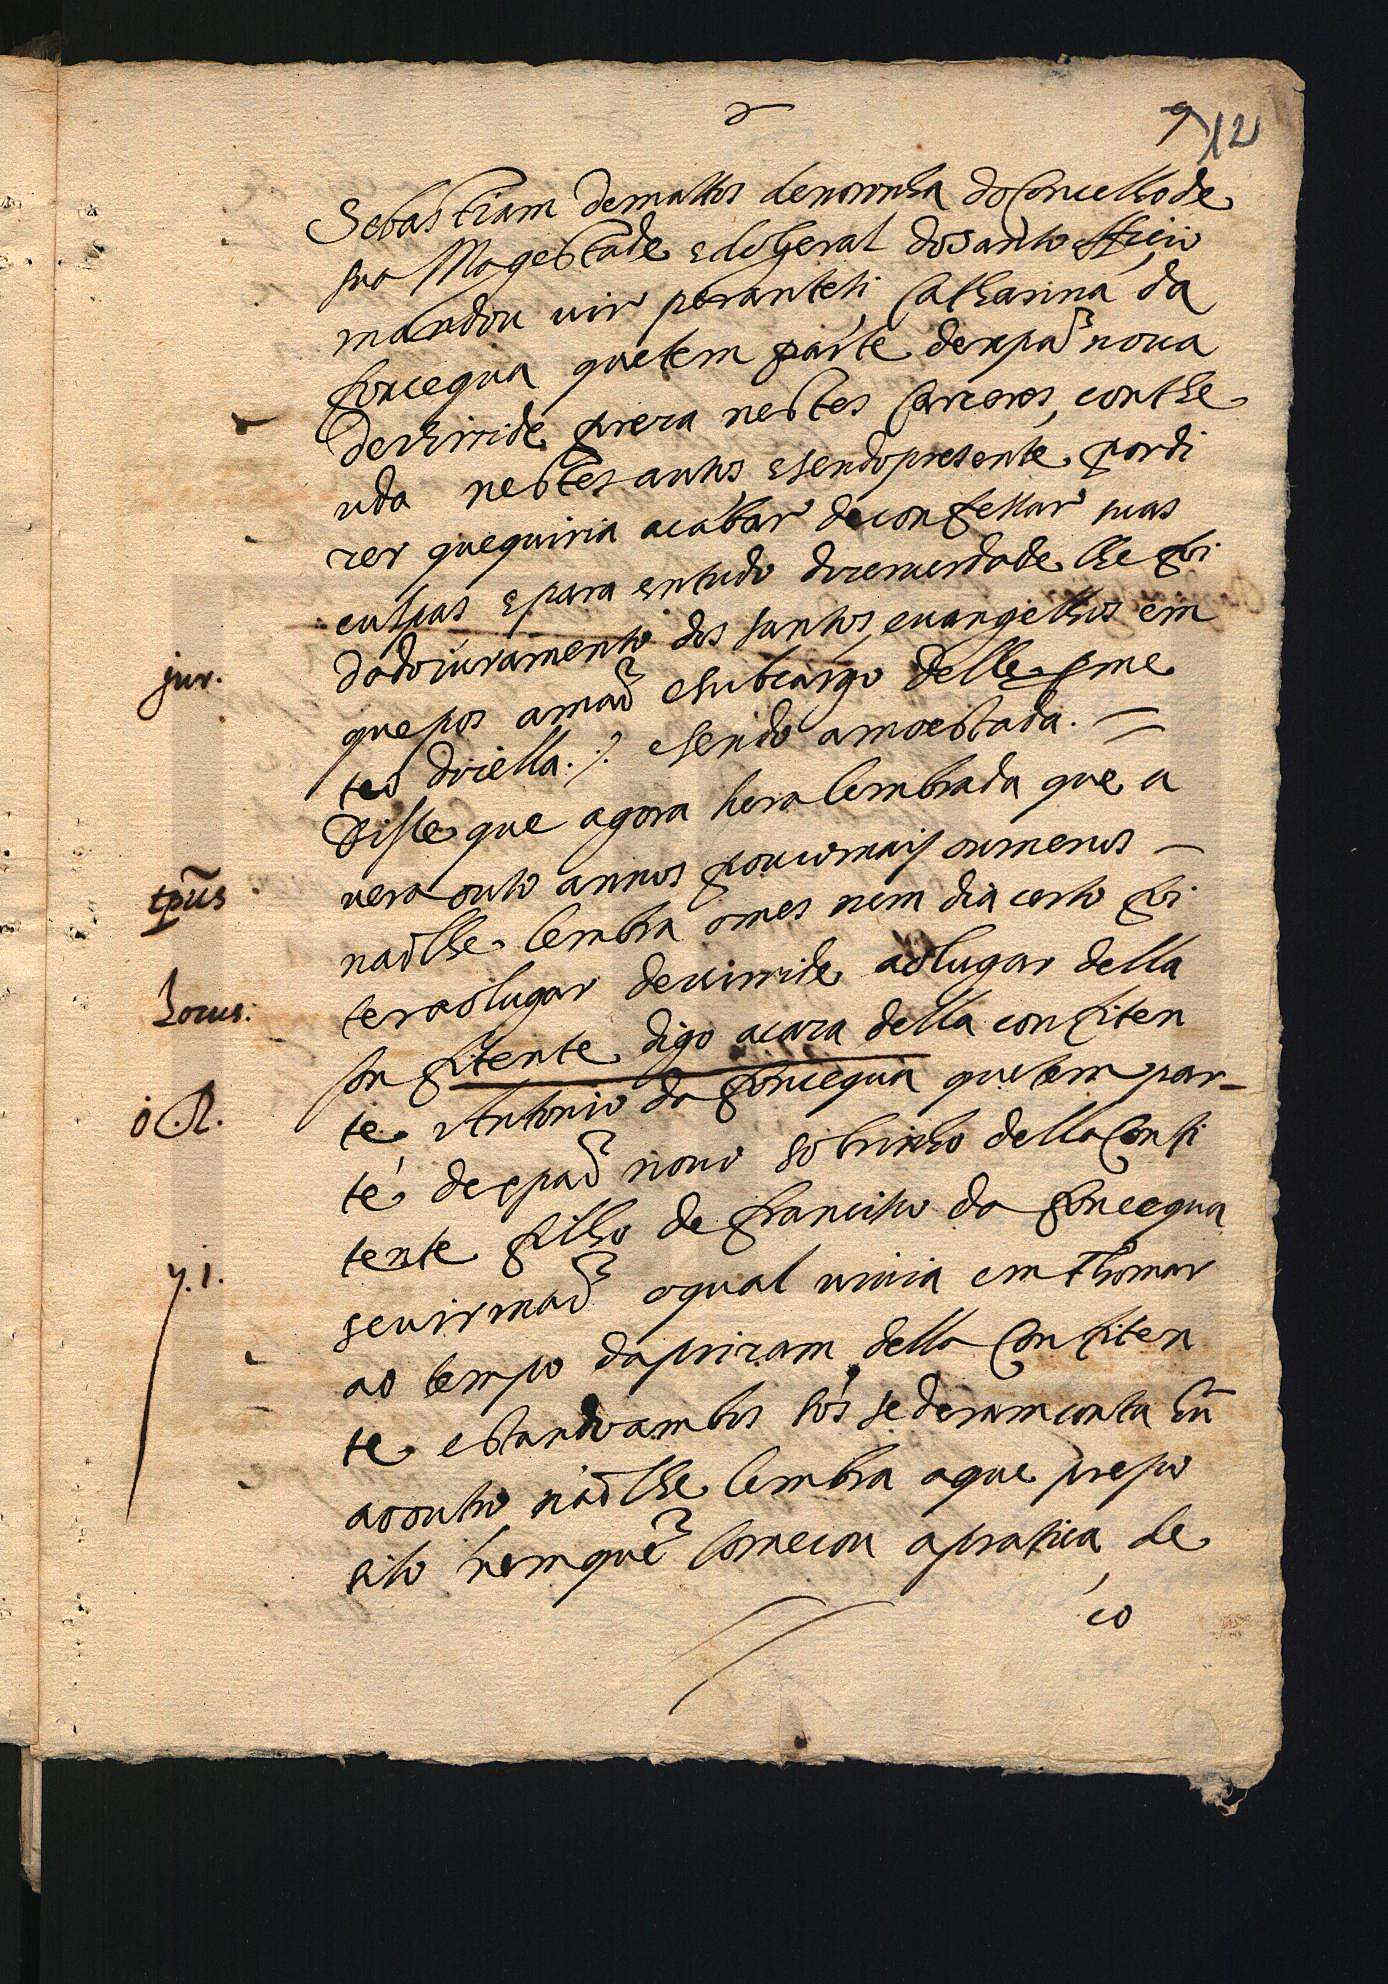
Sebastiam de mattos de noronha do Concelho de
sua Magestade E do Geral do santo officio
mandou uir perante si Catharina da
foncequa que tem parte de xpā noua
de virride preza nestes Carceres, conthe
uda nestes autos E sendo presente por di
zer que quiria acabar de confessar suas
culpas E para en tudo dizer uerdade lhe foi
dado iuramento dos santos euangelhos em
que pos a maõ e sub cargo delle ꝓme
jur.
teo dizella. /. e sendo amoestada. =
Disse que agora hera lembrada que a
uera outo annos pouco mais ou menos
naõ lhe lembra o mes nem dia certo foi
tpūs
ter ao lugar de uirride ao lugar della
Locus.
Confitente digo a caza della confiten
te Antonio da foncequa que tem par
o R.
te de xpaõ nouo sobrinho della Confi
tente filho de francisco da foncequa
seu irmão o qual uiuia em thomar
ao tempo da prizam della Confiten
te estando ambos sós se deram conta hū
ao outro naõ lhe lembra a que prepo
sito nem quē começou a pratica de
co
